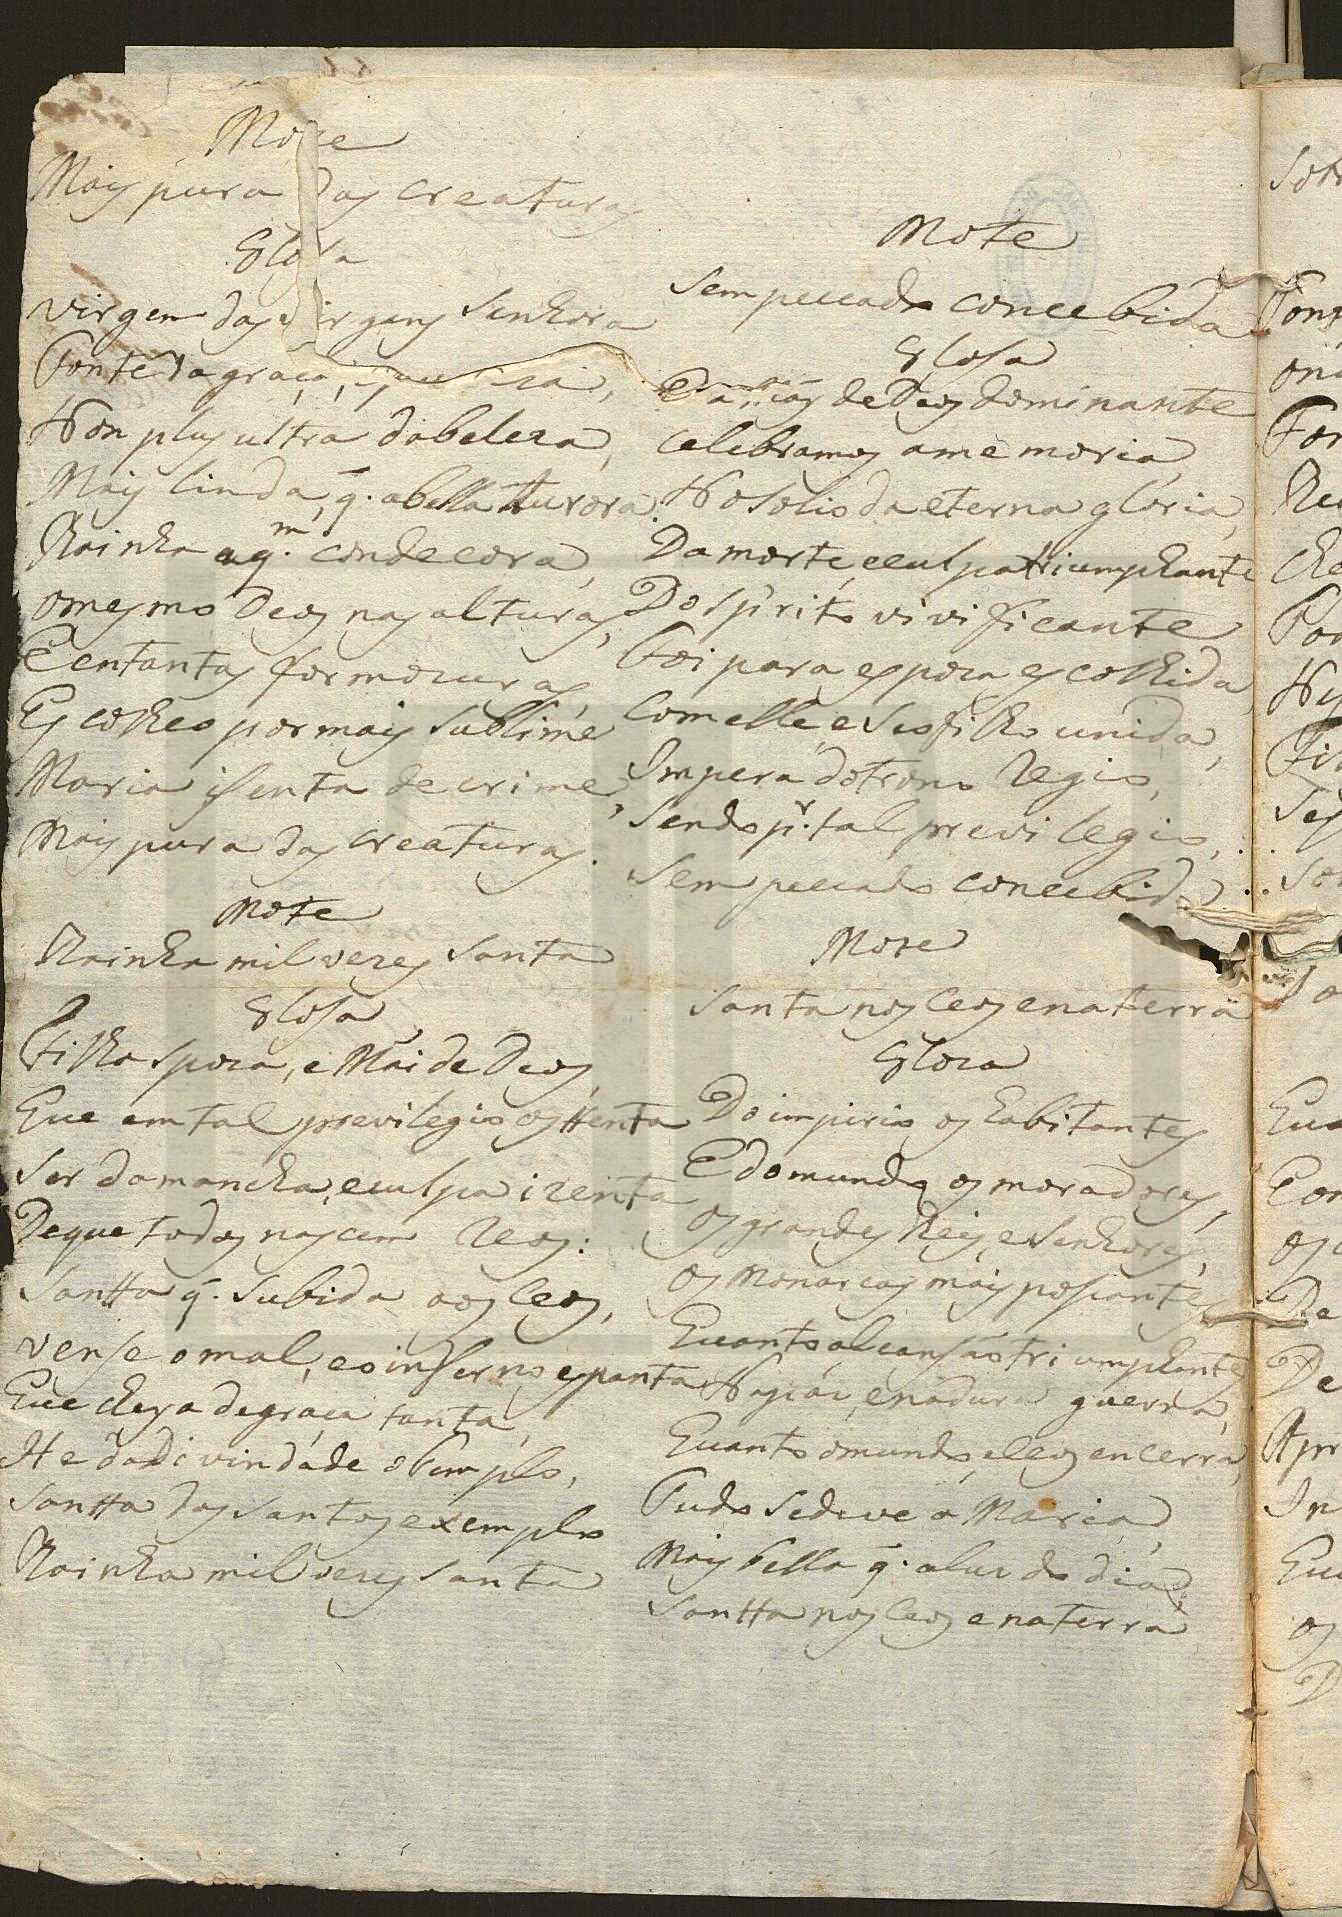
Mo__e
Mais pura das creaturas
Glosa
Virgem das _irgens Senhora
Fonte da graça,
Non plus ultra da beleza,
Mais linda, q̄ a bella Aurora.
Rainha a q.m condecora,
o mesmo Deos nas alturas,
E en tantas formozuras,
Escolheo por mais Sublime
Maria isenta de crime,
Mais pura das creaturas.
Mote
Rainha mil vezes Santa
Glosa
Filha spoza, e Mãi de Deos,
Que em tal previlegio osttenta
Ser da mancha, e culpa izenta
De que todos nascem Reos:
Santta q̄ subida aos Ceos
Vense o mal, e o inferno espanta
Que cheya de graça tanta,
He da Divindade o Templo,
Santta dos Santos exemplo
Rainha mil vezes Santa
Mote
Sem peccado concebida
glosa
E a mãy
de Deos dominante
Celebramos a memoria
No Solio da eterna gloria,
Da morte, e culpa triumphante
Do Sp̄rito vivificante
Foi para espoza escolhida,
Com elle e Seo filho unida,
Impera do trono Regio,
Sendo p.r tal previlegio,
Sem peccado concebida
Mote
Santa nos Ceos e na terra
Gloza
Do impirio os habitantes
E do mundo os moradores,
Os grandes Reis, e Senhores,
Os monarcas mais possantes
Quanto alcansaõ triumphantes
Na páz, e na dura guerra,
Quanto o mundo, e Ceos encerra,
Tudo se deve a Maria,
Mais bella q̄ a luz do dia,
Santta nos Ceos e na Terra
